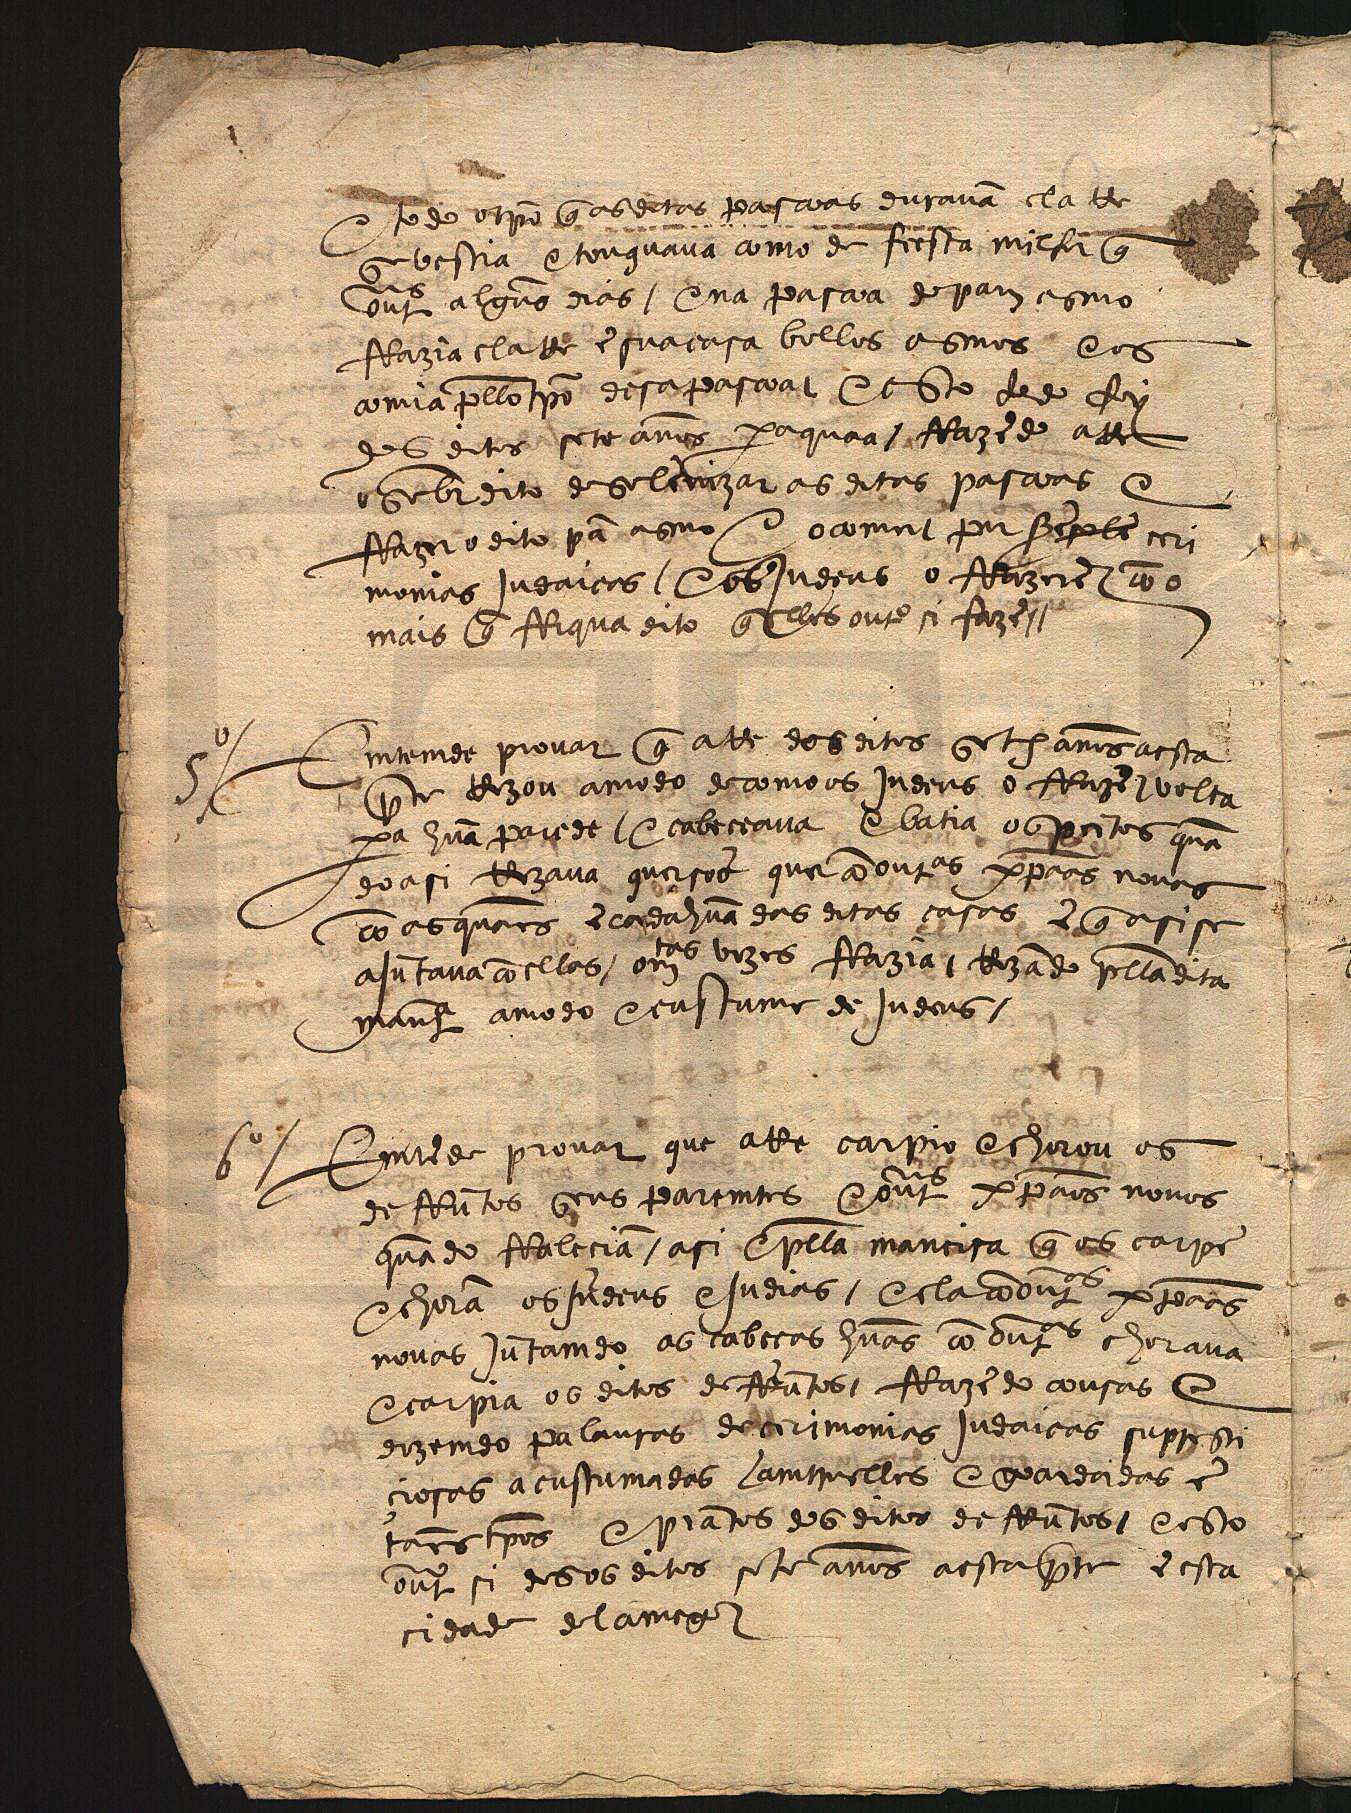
e todo o tpō q̄ as ditas Pascoas durauā ela Re
se vestia e touquaua como de feesta milhor q̄
outros algūs dias / e na Pascoa do pam asmo
ffazia ela Re ē sua casa bollos asmos e os
comia p̄llo tpō desa Pascoa / e esto todo foy
dos ditos sete an̄os ꝑa quaa / ffazēdo a Re
o s̄obrdito de solēnizar as ditas pascoas e
ffazer o dito pā asmo e o comer / por ꞩē solē ceri
monias Judaicas / e os Judeus o ffazerē / c̄o o
mais q̄ ffiqua dito q̄ elles outo si fazē //
5o / Emtemde prouar q̄ a Re dos ditos setꝭ an̄os a esta
p̄te Rezou a modo de como os Judeus o ffazē / volta
ꝑa huā parede / e cabeceaua e batia os peitos q̄ua
do asi Rezaua quer soo quer c̄o outas xpāas nouas
c̄o as qūaes ē cada hūa das ditas casas ē q̄ asi se
aJūtaua c̄o ellas / o mtas vezes ffazia / Rezādo p̄lla dita
manra a modo e custume de Judeus /
6o / Emtēde prouar que a Re carpio e chorou os
deffūtos seus Paremtes e outros xpãos nouos
qūado ffaleciā / asi e p̄lla maneira q̄ os carpē
e chorā os Judeus e Judias / e ela c̄o outras xpāas
nouas Jūtamdo as cabeças hūas c̄o outras choraua
e carpia os ditos deffūtos / ffazēdo cousas e
dizemdo palauras de cerimonias Judaicas supresti
ciosas acustumadas amtre elles e goardadas ē
taēs tp̄os e prātos dos ditos deffūtos / e esto
outro si des os ditos sete ānos a esta p̄te ē esta
cidade de lamego /
